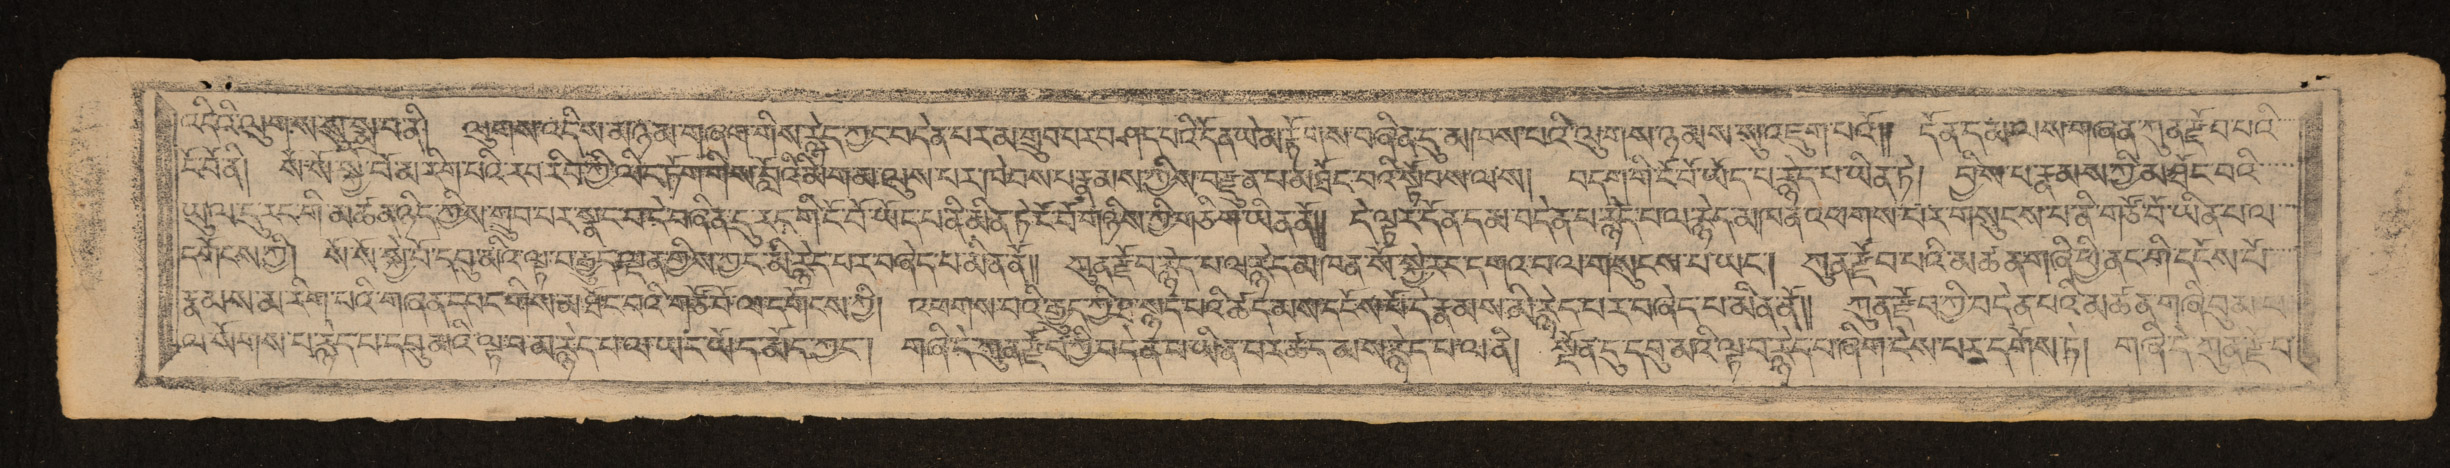འདིའི་ལུགས་སུ་སྨྲ་བ་ནི། ལུགས་འདིས་མཉམ་གཞག་གིས་རྙེད་ཀྱང་བདེན་པར་མ་གྲུབ་པར་བཤད་པའི་དོན་ཡེ་མ་རྟོགས་བཞིན་དུ་མཁས་པའི་ལུགས་ཉམས་སུ་འཇུག་པའོ།། དོན་དམ་ལས་གཞན་ཀུན་རྫོབ་པའི་
ངོ་བོ་ནི། སོ་སོ་སྐྱེ་བོ་མ་རིག་པའི་རབ་རིབ་ཀྱི་ལིང་ཏོག་གིས་བློའི་མིག་མ་ལུས་པར་ཁེབས་པ་རྣམས་ཀྱིས་བརྫུན་པ་མཐོང་བའི་སྟོབས་ལས། བདག་གི་ངོ་བོ་ཡོད་པ་རྙེད་པ་ཡིན་ཏེ། བྱིས་པ་རྣམས་ཀྱི་མཐོང་བའི་
ཡུལ་དུ་རང་གི་མཚན་ཉིད་ཀྱིས་གྲུབ་པར་སྣང་བ་དེ་བཞིན་དུ་རང་གི་ངོ་བོ་ཡོད་པ་ནི་མིན་ཏེ་ངོ་བོ་གཉིས་ཀྱི་གཅིག་ཡིན་ནོ།། དེ་ལྟར་དོན་དམ་བདེན་པ་རྙེད་པ་ལ་རྙེད་མཁན་འཕགས་པར་གསུངས་པ་ནི་གཙོ་བོ་ཡིན་པ་ལ་
དགོངས་ཀྱི། སོ་སོ་སྐྱེ་བོ་དབུ་མའི་ལྟ་བ་རྒྱུད་ལྡན་གྱིས་ཀྱང་མི་རྙེད་པར་བཞེད་པ་མིན་ནོ།། ཀུན་རྫོབ་རྙེད་པ་ལ་རྙེད་མཁན་སོ་སྐྱེ་རང་དགའ་བ་ལ་གསུངས་པ་ཡང་། ཀུན་རྫོབ་པའི་མཚན་གཞི་ཕྱི་ནང་གི་དངོས་པོ་
རྣམས་མ་རིག་པའི་གཞན་དབང་གིས་མཐོང་བའི་གཙོ་བོ་ལ་དགོངས་ཀྱི། འཕགས་པའི་རྒྱུད་ཀྱི་ཐ་སྙད་པའི་ཚད་མས་དངོས་པོ་དེ་རྣམས་མི་རྙེད་པར་བཞེད་པ་མིན་ནོ།། ཀུན་རྫོབ་ཀྱི་བདེན་པའི་མཚན་གཞི་བུམ་པ་
ལ་སོགས་པ་རྙེད་པ་དབུ་མའི་ལྟ་བ་མ་རྙེད་པ་ལ་ཡང་ཡོད་མོད་ཀྱང་། གཞི་དེ་ཀུན་རྫོབ་ཀྱི་བདེན་པ་ཡིན་པར་ཚད་མས་རྙེད་པ་ལ་ནི། སྔོན་དུ་དབུ་མའི་ལྟ་བ་རྙེད་པ་ཞིག་ངེས་པར་དགོས་ཏེ། གཞི་དེ་ཀུན་རྫོབ་